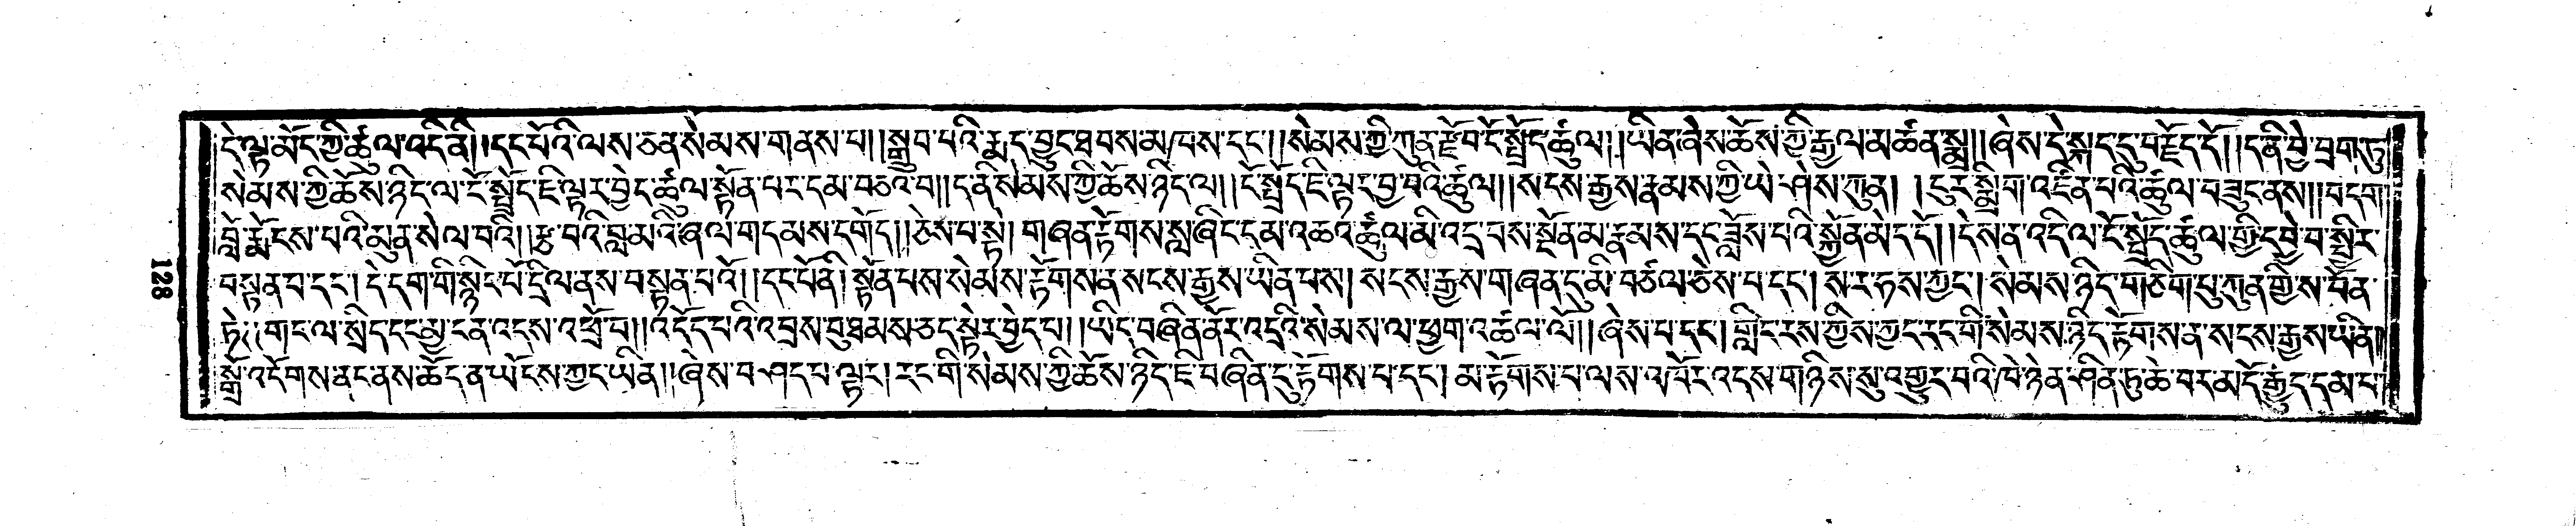དེ་ལྟ་མོད་ཀྱི་ཚུལ་འདི་ནི། །དང་པོའི་ལས་ཅན་སེམས་གནས་པ། །སྒྲུབ་པའི་རྨད་བྱུང་ཐབས་མཁས་དང་། །སེམས་ཀྱི་ཀུན་རྫོབ་ངོ་སྤྲོད་ཚུལ། །ཡིན་ཞེས་ཆོས་ཀྱི་རྒྱལ་མཚན་སྨྲ། །ཞེས་དེ་སྐད་དུ་བརྗོད་དོ། །ད་ནི་བྱེ་བྲག་ཏུ་
སེམས་ཀྱི་ཆོས་ཉིད་ལ་ངོ་སྤྲོད་ཇི་ལྟར་བྱེད་ཚུལ་སྟོན་པར་དམ་བཅའ་བ། །ད་ནི་སེམས་ཀྱི་ཆོས་ཉིད་ལ། །ངོ་སྤྲོད་ཇི་ལྟར་བྱ་བའི་ཚུལ། །སངས་རྒྱས་རྣམས་ཀྱི་ཡེ་ཤེས་ཀུན། །ངུར་སྨྲིག་འཛིན་པའི་ཚུལ་བཟུང་ནས། །བདག་
བློ་རྨོངས་པའི་མུན་སེལ་བའི། །རྩ་བའི་བླ་མའི་ཞལ་གདམས་དགོད། །ཅེས་པ་སྟེ། གཞན་རྟོགས་སླ་ཞིང་དམ་འཆའ་ཚུལ་མི་འདྲ་བས་སྔོན་མ་རྣམས་དང་ཟློས་པའི་སྐྱོན་མེད་དོ། །དེས་ན་འདི་ལ་ངོ་སྤྲོད་ཚུལ་གྱི་དབྱེ་བ་སྤྱིར་
བསྟན་པ་དང་། དེ་དག་གི་སྙིང་པོ་དྲིལ་ནས་བསྟན་པའོ། །དང་པོ་ནི། སྟོན་པས་སེམས་རྟོགས་ན་སངས་རྒྱས་ཡིན་པས། སངས་རྒྱས་གཞན་དུ་མི་བཙལ་ཅེས་པ་དང་། ས་ར་ཧས་ཀྱང་། སེམས་ཉིད་གཅིག་པུ་ཀུན་གྱི་ས་བོན་
ཏེ། །གང་ལ་སྲིད་དང་མྱ་ངན་འདས་འཕྲོ་པ། །འདོད་པའི་འབྲས་བུ་ཐམས་ཅད་སྟེར་བྱེད་པ། །ཡིད་བཞིན་ནོར་འདྲའི་སེམས་ལ་ཕྱག་འཚལ་ལོ། །ཞེས་པ་དང་། གླིང་རས་ཀྱིས་ཀྱང་རང་གི་སེམས་ཉིད་རྟོགས་ན་སངས་རྒྱས་ཡིན།
སྒྲོ་འདོགས་ནང་ནས་ཆོད་ན་ཡོངས་ཀྱང་ཡིན། །ཞེས་བཤད་པ་ལྟར། རང་གི་སེམས་ཀྱི་ཆོས་ཉིད་ཇི་བཞིན་དུ་རྟོགས་པ་དང་། མ་རྟོགས་པ་ལས་འཁོར་འདས་གཉིས་སུ་འགྱུར་བའི་ཁེ་ཉེན་ཤིན་ཏུ་ཆེ་བར་མདོ་རྒྱུད་དམ་པ་